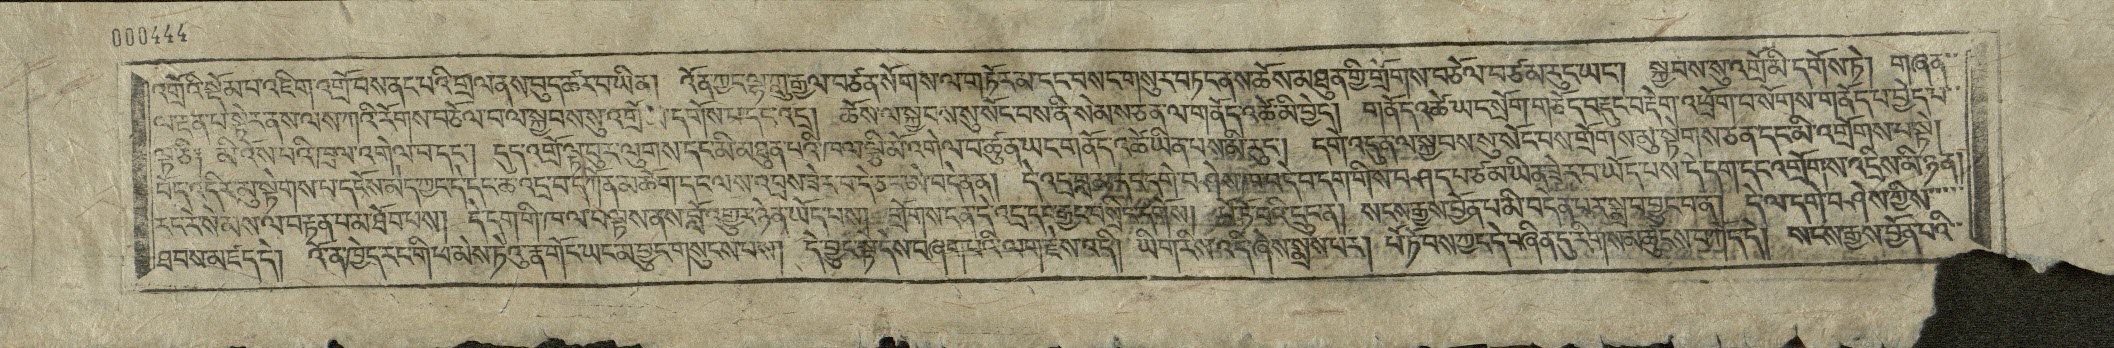འགྲོའི་སྡོམ་པ་འཇིག་འགྲོ་བས་ནང་པའི་གྲལ་ནས་བུད་ཚར་བ་ཡིན། འོན་ཀྱང་ལྷ་ཀླུ་རྒྱལ་བཙན་སོགས་ལ་གཏོར་མ་དང་བསང་གསུར་བཏང་ནས་ཆོས་མཐུན་གྱི་གྲོགས་བཅོལ་བ་ཙམ་རུང་ཡང་། སྐྱབས་སུ་འགྲོ་མི་དགོས་ཏེ། གཞན་
ལ་རྔན་པ་སྟེར་ནས་ལས་ཀའི་རོགས་བཅོལ་བ་ལ་སྐྱབས་སུ་འགྲོ་མི་དགོས་པ་དང་འདྲ། ཆོས་ལ་སྐྱབས་སུ་སོང་བས་ནི་སེམས་ཅན་ལ་གནོད་འཚེ་མི་བྱེད། གནོད་འཚེ་ཡང་སྲོག་གཅོད་བརྡུང་བརྡེག་འཕྲོག་པ་སོགས་གནོད་པ་བྱེད་པ་
ལྟ་ཅི༑ མི་འོས་པའི་ཁྲལ་འགེལ་བ་དང་། དུད་འགྲོ་ལྟ་བུར་ལུགས་དང་མི་མཐུན་པའི་ཁལ་ལྕི་མི་འགེལ་བ་ཚུན་ཡང་གནོད་འཚེ་ཡིན་པས་མི་རུང་། དགེ་འདུན་ལ་སྐྱབས་སུ་སོང་བས་གྲོགས་མུ་སྟེགས་ཅན་དང་མི་འགྲོགས་པ་སྟེ།
བོད་འདིར་མུ་སྟེགས་པ་དངོས་མེད་ཀྱང་དེ་དང་ཆ་འདྲ་བ་དཀོན་མཆོག་དང་ལས་འབྲས་ཟེར་བ་དེ་ཅང་ཨེ་བདེན་ན། དེ་འདྲ་བླ་མ་དང་དགེ་བཤེས་ཁ་བདེ་བ་དག་གིས་བཤད་པ་ཙམ་ཡིན་ཟེར་བ་ཡོད་པས་དེ་དག་དང་འགྲོགས་འདྲིས་མི་ཉན།
རང་རེ་སེམས་ལ་བརྟན་པ་མ་ཐོབ་པས། དེ་དག་གི་ཁ་ལ་བལྟས་ནས་བློ་འགྱུར་ཉེན་ཡོད་པས། གྲོགས་ངན་དེ་འདྲ་དང་རྒྱང་བསྲིང་དགོས། པོ་ཏོ་བའི་དྲུང་ན། སངས་རྒྱས་བྱོན་པ་མི་བདེན་པར་སྨྲ་བ་བྱུང་བ་ན། དེ་ལ་དགེ་བཤེས་ཀྱིས་
ཐབས་མཛད་དེ། འོ་ན་ཁྱེད་རང་གི་ཕ་མེས་ཏེའུ་རྣ་གོང་ཡང་མ་བྱུང་གསུངས་པས། དེ་བྱུང་སྟེ་དེས་བཞག་པའི་ལག་རྗེས་འདི། ཡིག་རིས་འདི་ཞེས་སྨྲས་པར། པོ་ཏོ་བས་ཀྱང་དེ་བཞིན་དུ་རིགས་མཚུངས་བཀོད་དེ། སངས་རྒྱས་བྱོན་པའི་